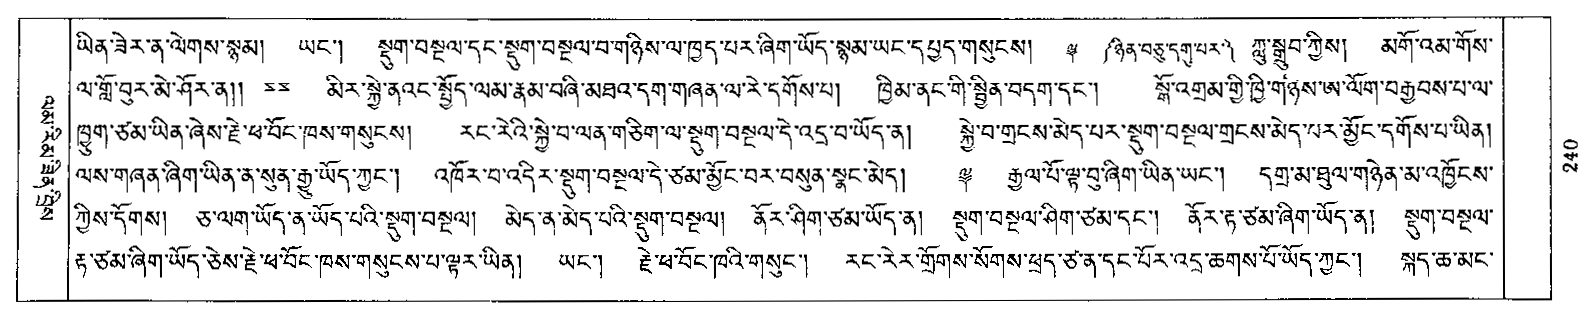ཡིན་ཟེར་ན་ལེགས་སྙམ། ཡང་། སྡུག་བསྔལ་དང་སྡུག་བསྔལ་བ་གཉིས་ལ་ཁྱད་པར་ཞིག་ཡོད་སྙམ་ཡང་དཔྱད་གསུངས། ༈ ཉིན་བཅུ་དགུ་པར}་ཀླུ་སྒྲུབ་ཀྱིས། མགོ་འམ་གོས་
ལ་གློ་བུར་མེ་ཤོར་ན།། ྾྾་མིར་སྐྱེ་ནའང་སྤྱོད་ལམ་རྣམ་བཞི་མཐའ་དག་གཞན་ལ་རེ་དགོས་པ། ཁྱིམ་ནང་གི་སྦྱིན་བདག་དང་། སྒོ་འགྲམ་གྱི་ཁྱི་གཉིས་ཨ་ལོག་བརྒྱབས་པ་ལ་
ཁྱུག་ཙམ་ཡིན་ཞེས་རྗེ་ཕ་བོང་ཁས་གསུངས། རང་རེའི་སྐྱེ་བ་ལན་གཅིག་ལ་སྡུག་བསྔལ་དེ་འདྲ་བ་ཡོད་ན། སྐྱེ་བ་གྲངས་མེད་པར་སྡུག་བསྔལ་གྲངས་མེད་པར་མྱོང་དགོས་པ་ཡིན།
ལས་གཞན་ཞིག་ཡིན་ན་སུན་རྒྱུ་ཡོད་ཀྱང་། འཁོར་བ་འདིར་སྡུག་བསྔལ་དེ་ཙམ་མྱོང་བར་བསུན་སྣང་མེད། ༈ རྒྱལ་པོ་ལྟ་བུ་ཞིག་ཡིན་ཡང་། དགྲ་མ་ཐུལ་གཉེན་མ་འཁྱོངས་
ཀྱིས་དོགས། ཅ་ལག་ཡོད་ན་ཡོད་པའི་སྡུག་བསྔལ། མེད་ན་མེད་པའི་སྡུག་བསྔལ། ནོར་ཤིག་ཙམ་ཡོད་ན། སྡུག་བསྔལ་ཤིག་ཙམ་དང་། ནོར་རྟ་ཙམ་ཞིག་ཡོད་ན། སྡུག་བསྔལ་
རྟ་ཙམ་ཞིག་ཡོད་ཅེས་རྗེ་ཕ་བོང་ཁས་གསུངས་པ་ལྟར་ཡིན། ཡང་། རྗེ་ཕ་བོང་ཁའི་གསུང་། རང་རེར་གྲོགས་སོགས་ཕྲད་ཙ་ན་དང་པོར་འདྲ་ཆགས་པོ་ཡོད་ཀྱང་། སྐད་ཆ་མང་